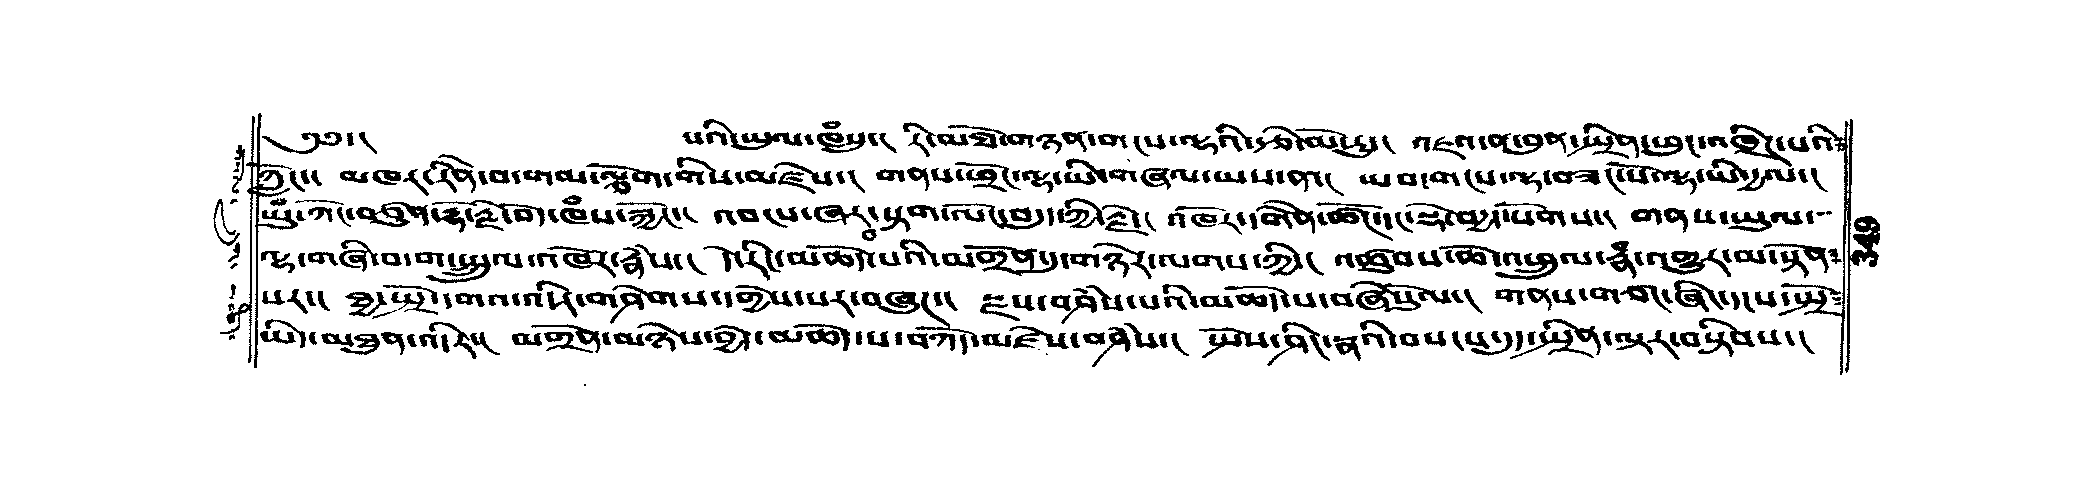པའི་ཡུལ་ཁམས་སུ། །རི་མཐོ་གཉན་གངས་ལྷའི་རྩེ་མོ་རུ། །འཇའ་་ན་བུན་སྤྲིན་ཕུང་འཁྲིགས་པའི་
ཀློང་། །མཁར་རིན་ཆེན་བ་གམ་ལྕོག་གིས་མཛེས། །གནས་ཕོ་བྲང་ལྷ་ཡི་གཞལ་ཡས་ན། །ཡབ་གངས་ལྷ་བཟང་པོ་ལྷ་ཡི་རྒྱལ། །
ཡུམ་ཀོང་བཙུན་རྡོ་རྗེ་བོད་ཁམས་སྐྱོང་། །འབངས་ཞར་བ་སྟག་ལོང་བདུད་ཀྱི་རྗེ། །འཁོར་མགོན་པོ་ཚོགས་དང་སྡེ་བརྒྱད་སོགས། །གནས་ཡུལ་
ལྷ་གཞི་བདག་སྤྲུལ་འཁོར་རྣམས། །དེ་རིང་མཆོད་པའི་མགྲོན་དུ་གཉེར་ལགས་ཀྱི། །འཚུབས་ཆོ་འཕྲུལ་རྣམ་འགྱུར་མ་སྟོན་
པར། །ཐུགས་སྤྲོ་དགའ་འདིར་གཤེགས་དགྱེས་པར་བཞུགས། །རྫས་བཤམས་པའི་མཆོད་པ་བཞེས་སུ་གསོལ། །གནས་གཙང་ཞིང་དངས་སྤྲོ་
ཡིད་མཐུན་འདིར། །མགྲོན་མཉེས་བྱེད་མཆོད་པ་བཀོད་མཛེས་བཤམས། །སྤོས་ཤིང་སྣའི་བསངས་དུད་སྤྲིན་ལྟར་བསྟིབས། །